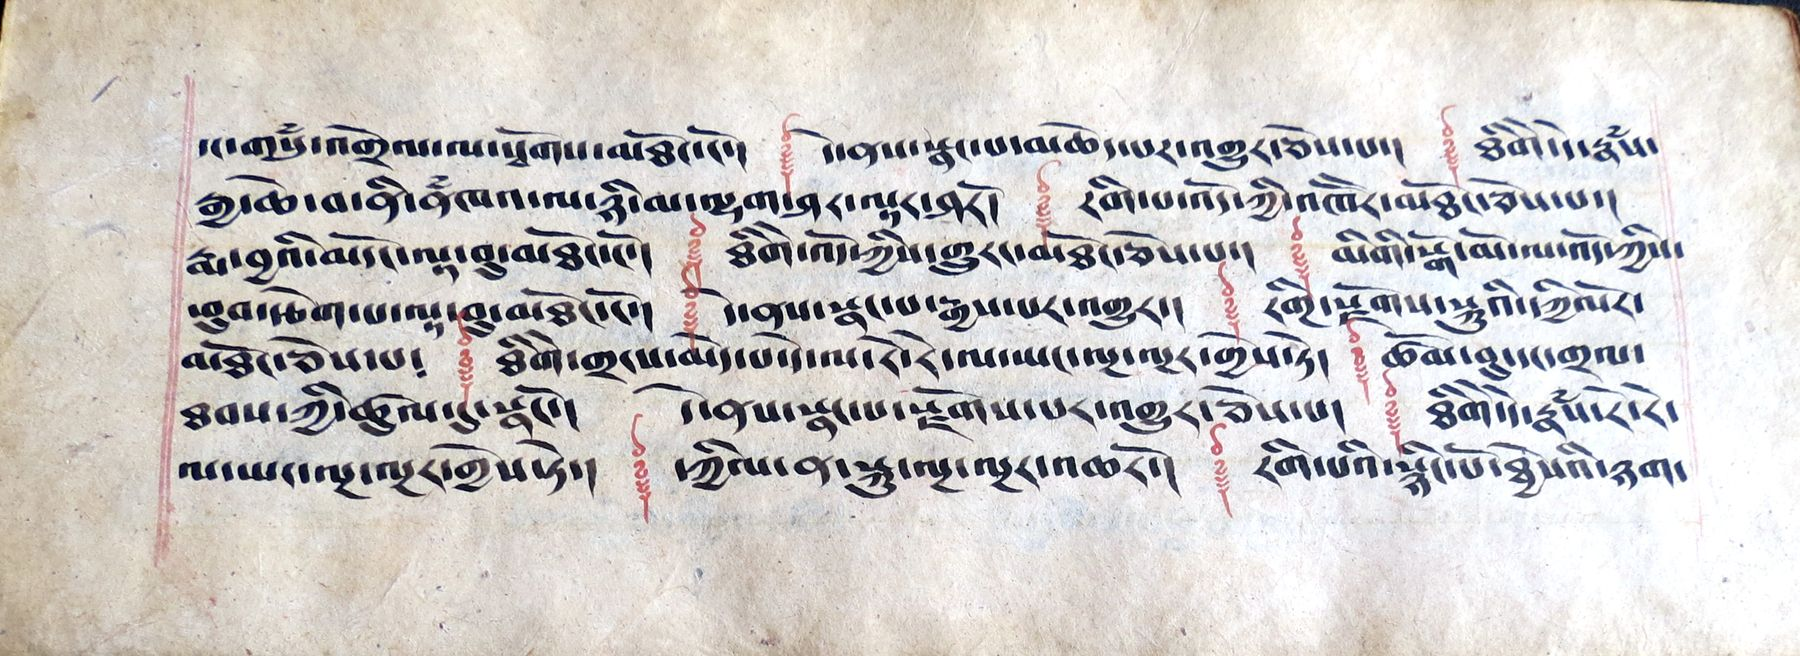དང་གསུམ་འབྲེལ་ལས་སོགས་མཐོང་ངོ་། །དེ་ནས་སྣང་བ་མཆེད་པར་འགྱུར། །ཞེས་པས། ཐིག་ལེ་དེ་རྣམས་
རྒྱ་ཆེ་བ་ནི་ནམ་མཁའ་ལ་ཉི་མ་ལྷག་ཤར་ལྟར་རོ། །རིག་པ་འོད་ཀྱི་འཁོར་ལོ་མཐོང་། །ཞེས་པས། 
རྨ་བྱའི་མདོངས་ལྟ་བུ་མཐོང་ངོ་། །ཐིག་ལེ་འོད་ཀྱི་གུར་ཁང་མཐོང་། །ཞེས་པས། མིག་གི་སྒོ་མོ་ལ་འོད་ཀྱིས་
ཕུབ་བརྩེགས་པ་ལྟ་བུ་མཐོང་ངོ་། །དེ་ནས་སྣང་བ་རྒྱས་པར་འགྱུར། རིགས་ལྔ་རྫོགས་སྐུའི་དཀྱིལ་འཁོར་
མཐོང་། །ཞེས་པས། ཐིག་ལེ་གྲངས་མེད་པ་དེ་ལ་རེ་རེ་ལ་ཡང་ལྔ་ལྔ་གྱེས་ཏེ། ཚུམ་བུ་དང་གྲལ་
ཐབས་ཀྱི་ཚུལ་དུ་སྣང་ངོ། །དེ་ནས་སྣང་བ་རྫོགས་པར་འགྱུར། །ཞེས་པས། ཐིག་ལེ་དེ་རྣམས་རེ་རེ་
ལ་ཡང་ལྔ་ལྔར་གྱེས་ཏེ་དཀྱིལ་ན་སྐུ་ལྔ་ལྔར་འཆར་རོ། །རིག་པའི་སྙིང་པོ་ཐུགས་རྗེའི་ཉག་